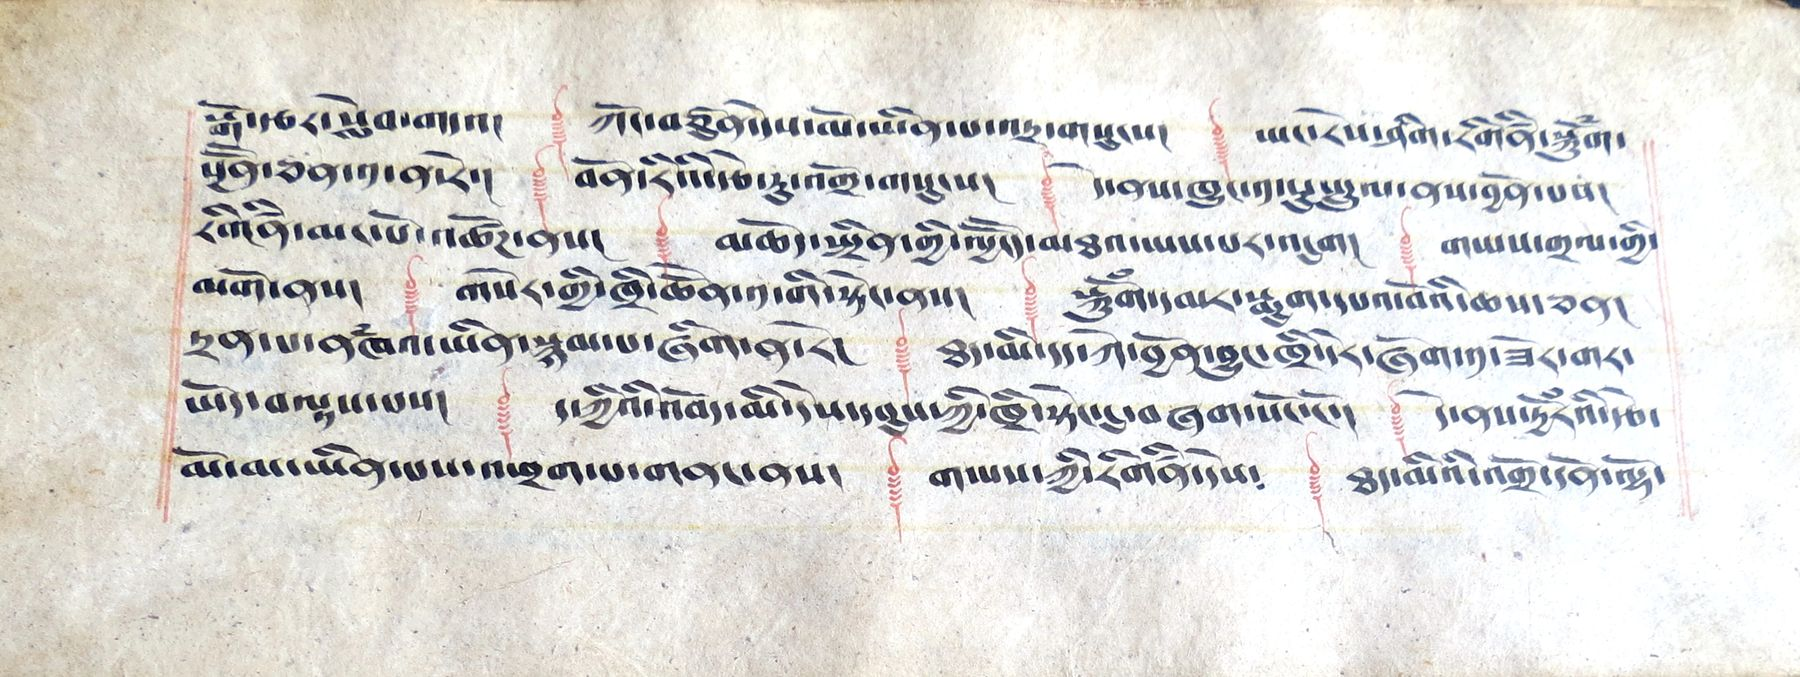སྒོ་རྩར་སླེབས་གདའ། ཀོང་བཙུན་དེ་མོ་ཡིན་པ་འདྲ་གསུངས། ཡང་རེས་ཤིག་རིག་འཛིན་སྐུ་མདོག་
སྔོན་པོ་ཅན་ཅིག་ན་རེ། བོན་རིའི་རྩེ་རུ་འགྲོ་གསུངས། དེ་ནས་ཁྱུང་ཅིག་ཏུ་སྤྲུལ་ནས་བྱོན་པས། 
རིག་འཛིན་མང་པོ་འཚོགས་ནས་མཆོད་སྥྲིན་གྱི་ལོངས་སྤྱོད་མཐའ་ཡས་པར་འདུག གཡས་གྲལ་གྱི་
འགོ་ནས་གསེར་གྱི་ཁྲི་ཆེན་པོ་ཅིག་གི་སྟེང་ནས། སྐུ་མདོག་དམར་སྨུག་དཔའ་བོའི་ཆས་ཅན། 
དྲན་པ་ནམ་མཁའ་ཡིན་སྙམ་པ་ཞིག་ན་རེ། ཐ་མི་ཐད་ཀེ་བྱོན་བྱུང་ཁྲི་དེར་ཞོག་ཅིག་ཟེར། གར་
ཡོད་བལྟས་པས། ད་ཅིའི་འབོད་མི་དེས་དབུས་ཀྱི་ཁྲི་སྟེང་དུ་བཞག་སོང་ངོ་། དེ་ནས་གཏོར་མའི་རྩེ་
མོ་མ་ཡིན་པའི་འཕྲག་པ་གནང་ནས། གཡས་ཀྱི་རིག་འཛིན་དེས། ཐད་མིའི་འགྲོ་དོན་ལྷོ་